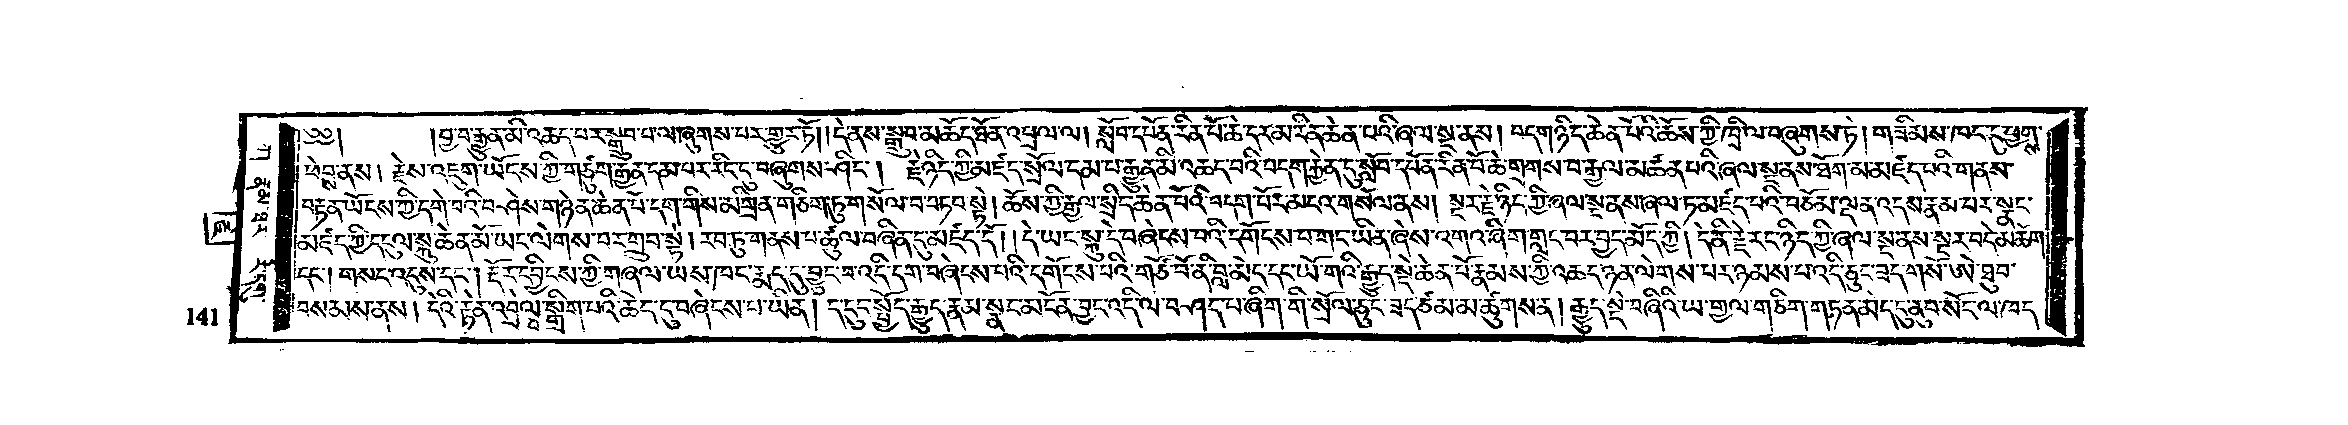༄༅། །བྱ་བ་རྒྱུན་མི་འཆད་པར་སྒྲུབ་པ་ལ་ཞུགས་པར་གྱུར་ཏོ། །དེ་ནས་སྒྲུབ་མཆོད་ཐོན་འཕྲལ་ལ། སློབ་དཔོན་རིན་པོ་ཆེ་དར་མ་རིན་ཆེན་པའི་ཞལ་སྔ་ནས། བདག་ཉིད་ཆེན་པོའི་ཆོས་ཀྱི་ཁྲི་ལ་བཞུགས་ཏེ། གཟིམས་ཁང་དུ་ཕྱགས་
ཕེབས་ནས། རྗེས་འཇུག་ཡོངས་ཀྱི་གཙུག་རྒྱན་དམ་པར་རིང་དུ་བཞུགས་ཤིང་། རྗེ་ཉིད་ཀྱི་མཛད་སྲོལ་དམ་པ་རྒྱུན་མི་འཆད་པའི་བདག་རྐྱེན་དུ་སློབ་དཔོན་རིན་པོ་ཆེ་གྲགས་པ་རྒྱལ་མཚན་པའི་ཞལ་སྔ་ནས་ཐོག་མ་མཛད་པའི་གནས་
བརྟན་ཡོངས་ཀྱི་དགེ་བའི་བཤེས་གཉེན་ཆེན་པོ་དག་གིས་མགྲིན་གཅིག་ཏུ་གསོལ་བ་བཏབ་སྟེ། ཆོས་ཀྱི་རྒྱལ་སྲིད་ཆེན་པོའི་བདག་པོར་མངའ་གསོལ་ནས། སྔར་རྗེ་ཉིད་ཀྱི་ཞལ་སྔ་ནས་ཞལ་ཏ་མཛད་པའི་བཅོམ་ལྡན་འདས་རྣམ་པར་སྣང་
མཛད་ཀྱི་དངུལ་སྐུ་ཆེན་མོ་ཡང་ལེགས་པར་གྲུབ་སྟེ། རབ་ཏུ་གནས་པ་ཚུལ་བཞིན་དུ་མཛད་དོ། །དེ་ཡང་སྐུ་དེ་བཞེངས་བའི་དགོངས་པ་གང་ཡིན་ཞེས་འགའ་ཞིག་གླང་བར་བྱད་མོད་ཀྱི། དེ་ནི་རྗེ་རང་ཉིད་ཀྱི་ཞལ་སྔ་ནས་སྔར་བདེ་མཆོག་
དང་། གསང་འདུས་དང་། རྡོར་དབྱིངས་ཀྱི་གཞལ་ཡས་ཁང་རྨད་དུ་བྱུང་བ་འདི་དག་བཞེངས་པའི་དགོངས་པའི་གཙོ་བོ་ནི་བླ་མེད་དང་ཡོ་གའི་རྒྱུད་སྡེ་ཆེན་པོ་རྣམས་ཀྱི་འཆད་ཉན་ལེགས་པར་ཉམས་པ་འདི་ཅུང་ཟད་གསོ་ཨེ་ཐུབ་
བསམས་ནས། དེའི་རྟེན་འབླེལ་པ་སྒྲིག་པའི་ཆེད་དུ་བཞེངས་པ་ཡིན། ད་དུང་སྤྱོད་རྒྱུད་རྣམ་སྣང་མངོན་བྱང་འདི་ལ་བཤད་པ་ཞིག་གི་སྲོལ་ཅུང་ཟད་ཙམ་མ་ཚུགས་ན། རྒྱུད་སྡེ་བཞིའི་ཡ་གྱལ་གཅིག་གཏན་མེད་དུ་ནུབ་སོང་ལ་ཁད་